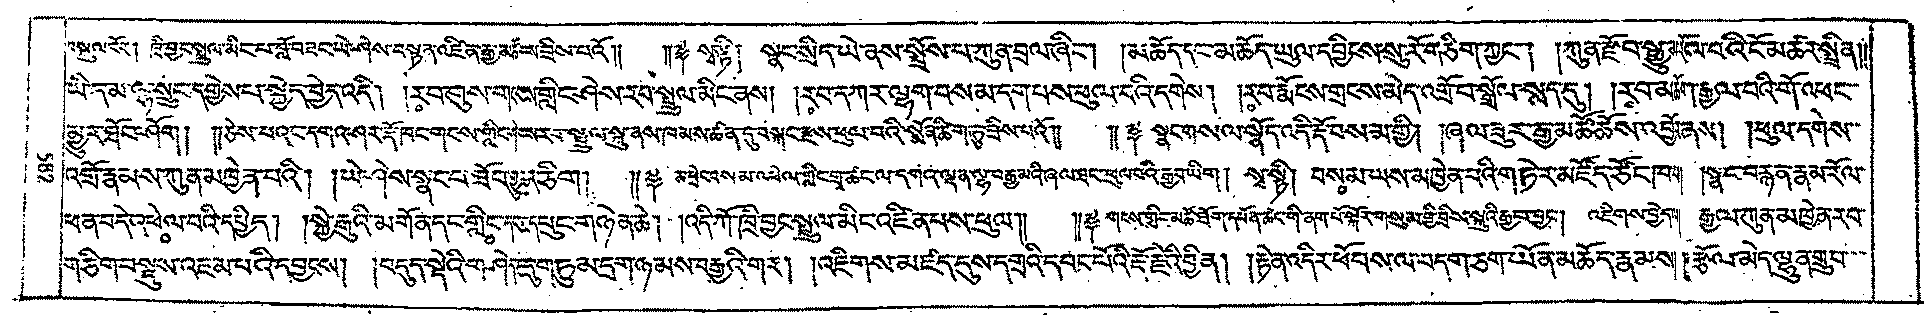བསྐུལ་ངོར། ཁྲི་བྱང་སྤྲུལ་མིང་པ་བློ་བཟང་ཡེ་ཤེས་བསྟན་འཛིན་རྒྱ་མཚོས་བྲིས་པའོ།། །། ༈ སྭསྟི། སྣང་སྲིད་ཡེ་ནས་སྤྲོས་པ་ཀུན་བྲལ་ཞིང་། །མཆོད་དང་མཆོད་ཡུལ་དབྱིངས་སུ་རོ་གཅིག་ཀྱང་། །ཀུན་རྫོབ་སྒྱུ་མ་རོལ་བའི་ངོ་མཚར་སྤྲིན། །
ཡི་དམ་ལྷ་སྲུང་དགྱེས་པ་སྐྱེད་བྱེད་འདི། །རབ྾་གུས་གངས་གླིང་ཤེས་རབ་སྤྲུལ་མིང་ནས། །རབ྾་དཀར་ལྷག་བསམ་དག་པས་ཕུལ་བའི་དགེས། །རབ྾་རྨོངས་གྲངས་མེད་འགྲོ་བ་སྒྲོལ་སླད་དུ། །རབ྾་མཆོག་རྒྱལ་བའི་གོ་འཕང་
མྱུར་ཐོབ་ཤོག ། །། ཅེས་པའང་དགའ་ཤར་རྡོ་ཁང་གངས་གླིང་ཤེས་རབ་སྤྲུལ་སྐུ་ནས་ཁམས་ཚན་དུ་བསྐང་རྫས་ཕུལ་བའི་སྨོན་ཚིག་ཏུ་བྲིས་པའོ།།  །། ༈ སྣང་གསལ་སྣོད་འདི་རྡོ་བསམ་གྱི། །ཞལ་ཟུར་རྒྱ་མཚོ་ཆོས་འབྱོར་ནས། །ཕུལ་དགེས་
འགྲོ་རྣམས་ཀུན་མཁྱེན་པའི། །ཡེ་ཤེས་སྣང་བ་ཐོབ་གྱུར་ཅིག ། །། ༈ ཆ་ཕྲེང་བསམ་འཕེལ་གླིང་གྲྭ་ཚང་ལ་དགའ་ལྡན་ལྷ་བརྒྱ་མའི་ཞལ་ཐང་ཕུལ་བའི་རྒྱབ་ཡིག །  སྭསྟི། བསམ྾་ཡས་མཁྱེན་པའི་གཏེར་མཛོད་ཙོང་ཁ་པ། །སྣང་བརྙན་རྣམ་རོལ་
ཕན་བདེ་འཕེལ྾་བའི་དཔྱིད། །སྐྱེ་རྒུའི་མགོན་དང་གླིང྾་དང་དཔུང་གཉེན་ཆེ། །འདི་ཀོ་ཁྲི་བྱང་སྤྲུལ་མིང་འཛིན་པས་ཕུལ།། །། ༈ གངས་གླིང་མཚོ་ཐོག་དཔོན་ཚང་གི་ནག་པོ་སྐོར་གསུམ་གྱི་བྲིས་སྐུའི་རྒྱབ་བྱང་། འཇིགས་བྱེད་ལ།  རྒྱལ་ཀུན་མཁྱེན་རབ་
གཅིག་བསྡུས་འཇམ་པའི་དབྱངས། །བདུད་སྡེའི་གཤེད་དུ་གཏུམ་དྲག་ཉམས་བརྒྱའི་གར། །འཇིགས་མཛད་དུས་དགྲའི་དབང་པོའི་རྡོ་རྗེའི་བྱིན། །རྟེན་འདིར་ཕོབས་ལ་བདག་ཅག་ཡོན་མཆོད་རྣམས། །རྩོལ་མེད་ལྷུན་གྲུབ་